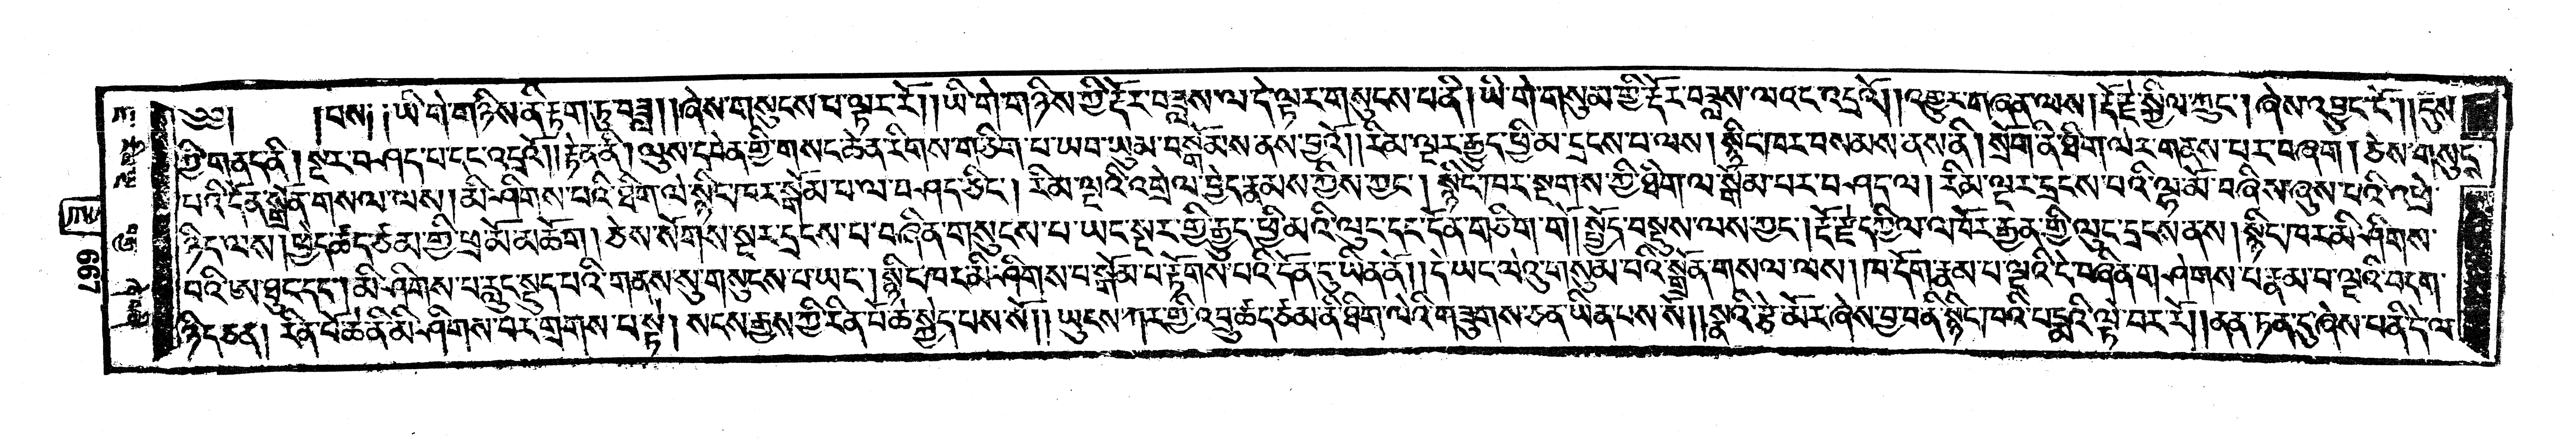༄༅། །པས། །ཡི་གེ་གཉིས་ནི་རྟག་ཏུ་བཟླ། །ཞེས་གསུངས་པ་ལྟར་རོ། །ཡི་གེ་གཉིས་ཀྱི་རྡོར་བཟླས་ལ་དེ་ལྟར་གསུངས་པ་ནི། ཡི་གེ་གསུམ་གྱི་རྡོར་བཟླས་ལའང་འདྲའོ། །འགྱུར་གཞན་ལས། རྡོ་རྗེ་སྐྱིལ་ཀྲུང་། ཞེས་འབྱུང་ངོ། །དུས་
ཀྱི་གནད་ནི། སྔར་བཤད་པ་དང་འདྲའོ། །རྟེན་ནི། ལུས་དབེན་གྱི་གསང་ཆེན་རིགས་གཅིག་པ་ཡབ་ཡུམ་བསྒོམས་ནས་བྱའོ། །རིམ་ལྔར་རྒྱུད་ཕྱི་མ་དྲངས་པ་ལས། སྙིང་ཁར་བསམས་ནས་ནི། སྲོག་ནི་ཐིག་ལེར་གནས་པར་བཞག །ཅེས་གསུངས་
པའི་དོན་སྒྲོན་གསལ་ལས། མི་ཤིགས་པའི་ཐིག་ལེ་སྙིང་ཁར་སྒོམ་པ་ལ་བཤད་ཅིང་། རིམ་ལྔའི་འགྲེལ་བྱེད་རྣམས་ཀྱིས་ཀྱང་། སྙིང་ཁར་སྔགས་ཀྱི་ཐིག་ལ་སྒོམ་པར་བཤད་ལ། རིམ་ལྔར་དྲངས་པའི་ལྷ་མོ་བཞིས་ཞུས་པའི་འཕྲོ་
ཉིད་ལས། ཕྱེད་ཚད་ཙམ་གྱི་ཕྲ་མོ་མཆོག །ཅེས་སོགས་སྔར་དྲངས་པ་བཞིན་གསུངས་པ་ཡང་སྔར་གྱི་རྒྱུད་ཕྱི་མའི་ལུང་དང་དོན་གཅིག་གོ། སྤྱོད་བསྡུས་ལས་ཀྱང་། རྡོ་རྗེ་དཀྱིལ་འཁོར་རྒྱན་གྱི་ལུང་དྲངས་ནས། སྙིང་ཁར་མི་ཤིགས་
པའི་ཨ་ཐུང་དང་། མི་ཤིགས་པ་རླུང་སྡུད་པའི་གནས་སུ་གསུངས་པ་ཡང་། སྙིང་ཁར་མི་ཤིགས་བ་སྒོམ་པ་རྟོགས་པའི་དོན་དུ་ཡིན་ནོ། །དེ་ཡང་ལེའུ་གསུམ་པའི་སྒྲོན་གསལ་ལས། ཁ་དོག་རྣམ་པ་ལྔའི་དེ་བཞིན་གཤེགས་པ་རྣམ་པ་ལྔའི་བདག་
ཉིད་ཅན། རིན་པོ་ཆེ་ནི་མི་ཤིགས་པར་གྲགས་པ་སྟེ། སངས་རྒྱས་ཀྱི་རིན་པོ་ཆེ་སྐྱེད་པས་སོ། །ཡུངས་ཀར་གྱི་འབྲུ་ཚད་ཙམ་ནི་ཐིག་ལེའི་གཟུགས་ཅན་ཡིན་པས་སོ། །སྣའི་རྩེ་མོར་ཞེས་བྱ་བ་ནི་སྙིང་ཁའི་པདམའི་ལྟེ་བར་རོ། །ནན་ཏན་དུ་ཞེས་པ་ནི་དེ་ལ་